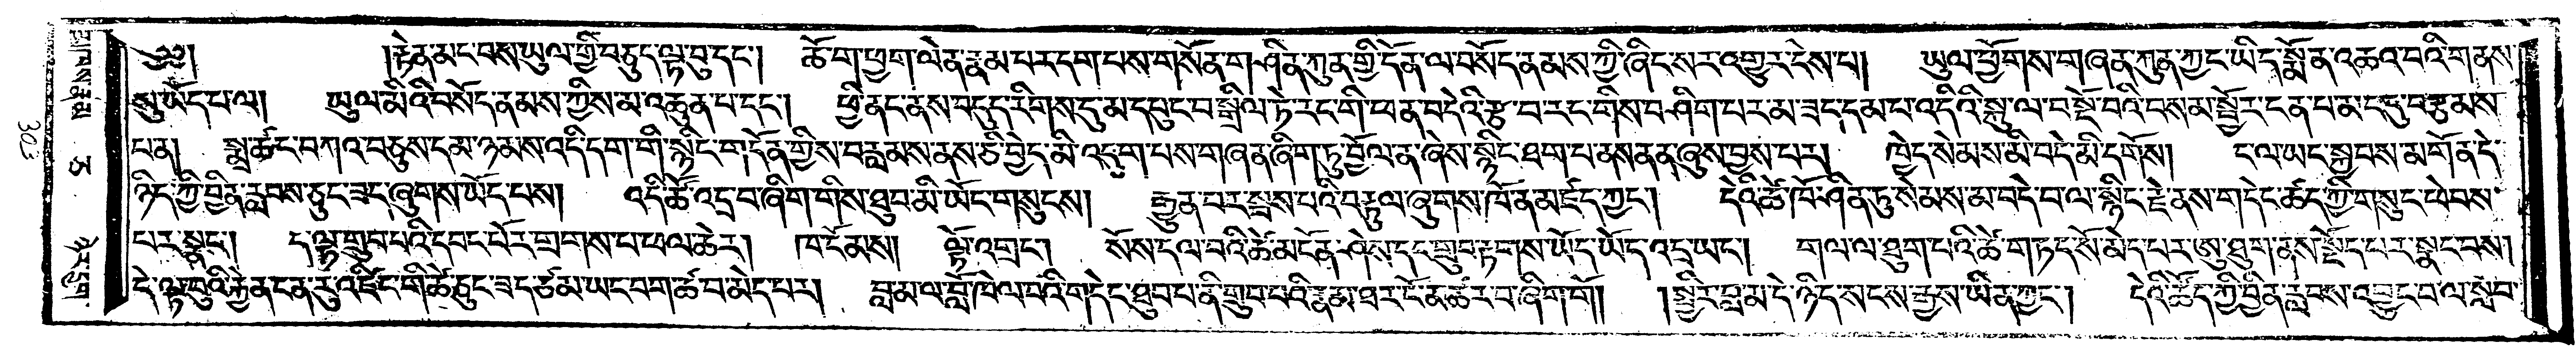༄༅། །རྟེན་མང་བས་ཡུལ་གྱི་བཅུད་ལྟ་བུ་དང་། ཆོ་ག་ཕྱག་ལེན་རྣམ་བར་དག་པས་གསོན་གཤིན་ཀུན་གྱི་དོན་ལ་བསོད་ནམས་ཀྱི་ཞིང་སར་འགྱུར་ངེས་པ། ཡུལ་ཕྱོགས་གཞན་ཀུན་ཀྱང་ཡིད་སྨོན་འཆའ་བའི་གནས་
སུ་ཡོད་པ་ལ། ཡུལ་མིའི་བསོད་ནམས་ཀྱིས་མ་འཆུན་པ་དང་། ཕྱི་ནང་ནས་བདུད་རིགས་དུ་མ་དཔུང་བསྒྲིལ་ཏེ་རང་གི་ཕན་བདེའི་རྩ་བ་རང་གིས་བཤིག་པར་མ་ཟད་དམ་པ་འདིའི་སྐུ་ལ་བསྔོ་བའི་བསམ་སྦྱོར་ངན་པ་མང་དུ་བརྩམས་
པ་ན། སྨྲ་ཚང་བཀའ་བཅུས་དམ་ཉམས་འདི་དག་གི་སྙིང་གདོན་ཕྱིས་བརླམས་ནས་ཅི་བྱེད་མི་འདུག་པས་གཞན་ཞིག་ཏུ་བྱོལ་ན་ཞེས་སྙིང་ཐག་པ་ནས་ནན་ཞུས་བྱས་པར། ཁྱེད་སེམས་མི་བདེ་མི་དགོས། ང་ལ་ཡང་སྐྱབས་མགོན་དེ་
ཉིད་ཀྱི་བྱིན་རླབས་ཅུང་ཟད་ཞུགས་ཡོད་པས། འདི་ཚོ་འདྲ་བ་ཞིག་གིས་ཐུབ་མི་ཡོང་གསུངས། རྒྱུན་བར་སྦས་བའི་བརྟུལ་ཞུགས་ཁོ་ན་མཛད་ཀྱང་། དེའི་ཚེ་ཁོ་ཤིན་ཏུ་སེམས་མ་བདེ་བ་ལ་སྙིང་རྗེ་ནས་གདེང་ཚད་ཀྱི་གསུང་ཕེབས་
པར་སྣང་། ད་ལྟ་གྲུབ་བའི་དབང་པོར་གྲགས་པ་ཕལ་ཆེར། ཁ་ངོམས། ལྟོ་འགྲང་། སོས་དལ་བའི་ཚེ་མངོན་ཤེས་དང་གྲུབ་རྟགས་ཡོད་ཡོད་འདྲ་ཡང་། གལ་ལ་ཐུག་པའི་ཚེ་གཏད་སོ་མེད་པར་ཨུ་ཐུག་ནས་སྡོད་པར་སྣང་བས།
དེ་ལྟ་བུའི་རྐྱེན་ངན་རུ་འཛིང་གི་ཚེ་ཅུང་ཟད་ཙམ་ཡང་བག་ཚ་བ་མེད་པར། བླ་མ་ལ་བློ་ཁེལ་བའི་གདེང་ཐུབ་པ་ནི་གྲུབ་པའི་རྣམ་ཐར་ངོ་མཚར་བ་ཞིག་གོ། །སྤྱིར་བླ་མ་དེ་ཉིད་སངས་རྒྱས་ཡིན་ཀྱང་། དེའི་ཚོད་ཀྱི་བྱིན་རླབས་འབྱུང་བ་ལ་སློབ་